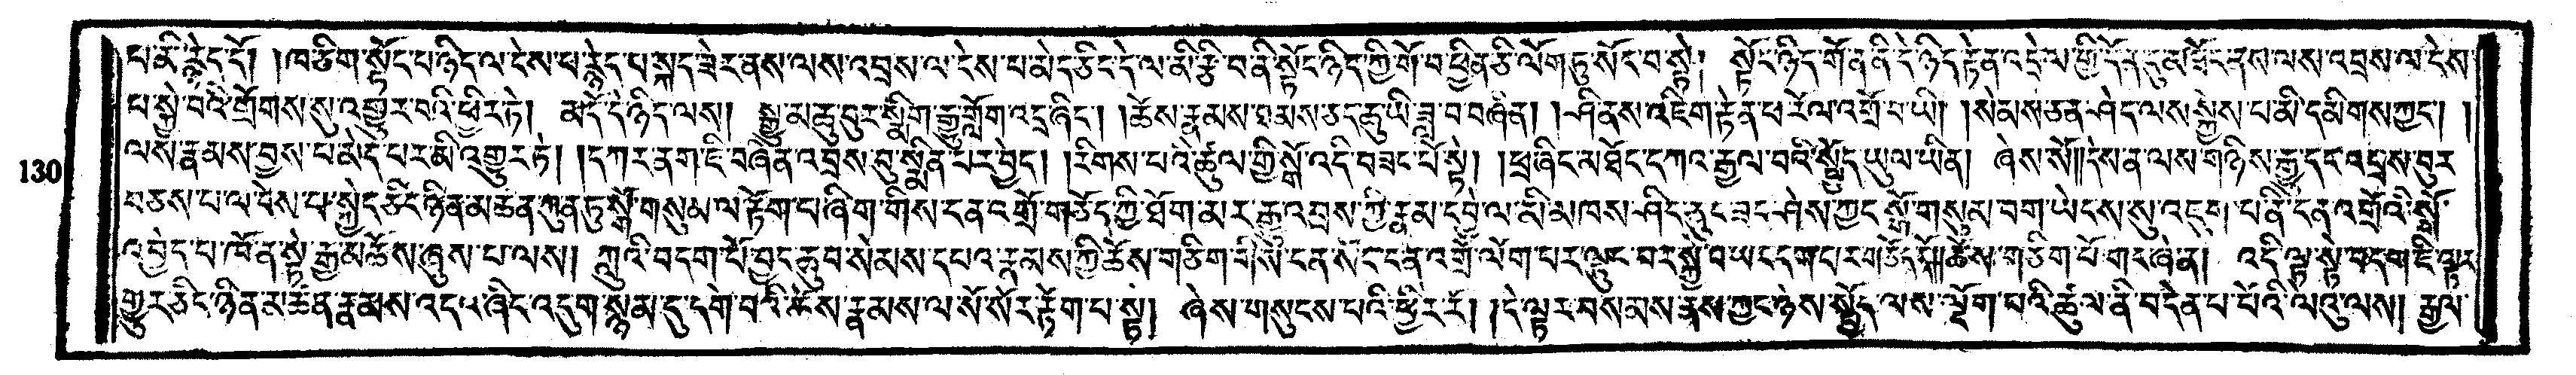པ་མི་རྙེད་དོ། །ཁ་ཅིག་སྟོང་པ་ཉིད་ལ་ངེས་པ་རྙེད་པ་སྐད་ཟེར་ནས་ལས་འབྲས་ལ་ངེས་པ་མེད་ཅིང་དེ་ལ་མི་རྩི་བ་ནི་སྟོང་ཉིད་ཀྱི་གོ་བ་ཕྱི་ཅི་ལོག་ཏུ་སོང་བ་སྟེ། སྟོང་ཉིད་གོ་ན་ནི་དེ་ཉིད་རྟེན་འདྲེལ་གྱི་དོན་དུ་མཐོང་ལས་ལས་འབྲས་ལ་ངེས།
པ་སྐྱེ་བའི་གྲོགས་སུ་འགྱུར་བའི་ཕྱིར་ཏེ། མོད་དེ་ཉིད་ལས། སྒྱུ་མ་ཆུ་བུར་སྨིག་རྒྱུ་གློག་འདྲ་ཞིང་། །ཆོས་རྣམས་ཐམས་ཅད་ཆུ་ཡི་ཟླ་བ་བཞིན། །ཤི་ནས་འཇིག་རྟེན་ཕ་རོལ་འགྲོ་བ་ཡི། །སེམས་ཅན་ཤེད་ལས་སྐྱེས་པ་མི་དམིགས་ཀྱང་། །
ལས་རྣམས་བྱས་པ་མེད་པར་མི་འགྱུར་ཏེ། །དཀར་ནག་ཇི་བཞིན་འབྲས་བུ་སྨིན་པར་བྱེད། །རིགས་པའི་ཚུལ་གྱི་སྒོ་འདི་བཟང་པོ་སྟེ། །ཕྲ་ཞིང་མཐོང་དཀའ་རྒྱལ་བའི་སློད་ཡུལ་ཡིན། །ཞེས་སོ། །དེས་ན་ལས་གཉིས་རྒྱུ་དང་འབྲས་བུར་
བཅས་པ་ལ་ངེས་པ་སྐྱེད་ཅིང་ཉིན་མཚན་ཀུན་ཏུ་སྒོ་གསུམ་ལ་རྟོག་པ་ཞིག་གིས་ངན་འགྲོ་གཅོད་ཀྱི་ཐོག་མར་རྒྱུ་འབྲས་ཀྱི་རྣམ་དབྱེ་ལ་མི་མཁས་ཤིང་ཅུང་ཟད་ཤེས་ཀྱང་སྒོ་གསུམ་བག་ཡེངས་སུ་འཇུག་པ་ནི་ངན་འགྲོའི་སྒོ་
འབྱེད་པ་ཁོ་ན་སྟེ་རྒྱ་མཆོས་ཞུས་པ་ལས། ཀླུའི་བདག་པོ་བྱང་ཆུབ་སེམས་དཔའ་རྣམས་ཀྱི་ཆོས་གཅིག་གིས་ངན་སོང་ངན་འགྲོ་ལོག་པར་ལྟུང་བར་སྐྱེ་བ་ཡང་དག་པར་གཅོད་དོ། །ཆོས་གཅིག་པོ་གང་ཞེ་ན། འདི་ལྟ་སྟེ་བདག་ཇི་ལྟར་
གྱུར་ཅིང་ཉིན་མཚན་རྣམས་འདའ་ཞིང་འདུག་སྙམ་དུ་དགེ་བའི་ཆོས་རྣམས་ལ་སོ་སོར་རྟོག་པ་སྟེ། ཞེས་གསུངས་པའི་ཕྱིར་རོ། །དེ་ལྟར་བསམས་ནས་ཀྱང་ཉེས་སྤྱོད་ལས་ལྡོག་པའི་ཚུལ་ནི་བདེན་པ་པོའི་ལེའུ་ལས། རྒྱལ་